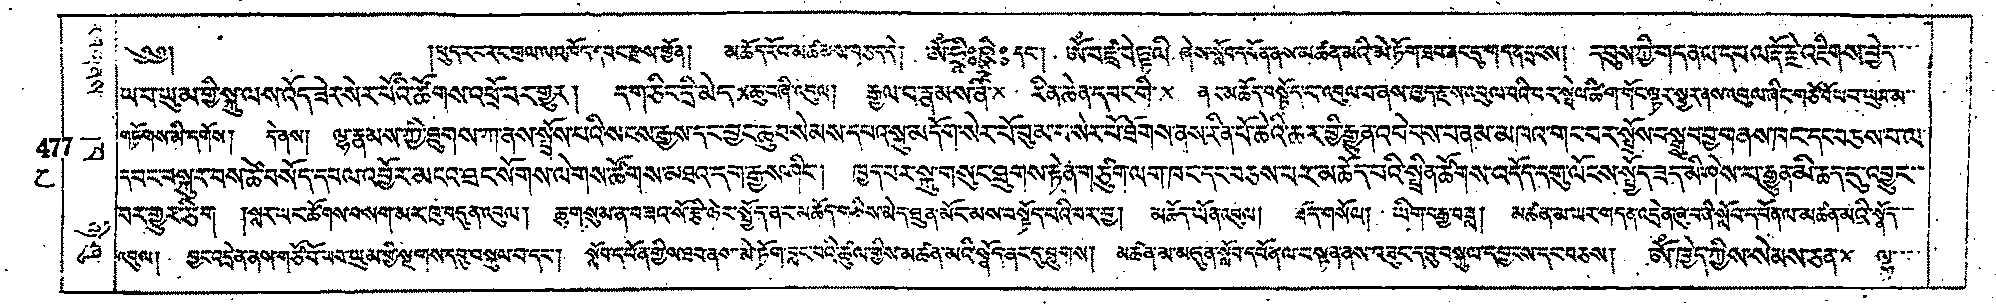༄༅། །ཕུད་རང་རང་གྲལ་ལ་འཁོད་དབང་རྫས་གྱོན། མཆོད་རོལ་མཚམས་བཅད་དེ། ཨོཾ་ཧྲཱིཿཥྚཱིཿདང་།  ཨོཾ་བཛྲ་བེཏྟ་ལི། ཞེས་སློབ་དཔོན་ནས་མཚན་མའི་མེ་ཏོག་ཐབ་ནང་དུ་གདན་དྲངས།  དབུས་ཀྱི་གདན་ལ་དཔལ་རྡོ་རྗེ་འཇིགས་བྱེད་
ཡབ་ཡུམ་གྱི་སྐུ་ལས་འོད་ཟེར་སེར་པོའི་ཚོགས་འཕྲོ་བར་གྱུར། དག་ཅིང་དྲི་མེད་྾་ཆུ་བཞི་འབུལ།  རྒྱལ་བ་རྣམས་ནི་྾་རིན་ཆེན་དབང་གི་྾་ནང་མཆོད་བསྟོད་པ་འབུལ་བ་ནས་ཁྱད་རྫས་འབུལ་བའི་བར་སྤེལ་ཚིག་གོང་ལྟར་སྦྱར་ནས་འབུལ་ཞིང་གཙོ་བོ་ཡབ་ཡུམ་མ་
གཏོགས་མི་དགོས། དེ་ནས་ལྷ་རྣམས་ཀྱི་ཐུགས་ཀ་ནས་སྤྲོས་པའི་སངས་རྒྱས་དང་བྱང་ཆུབ་སེམས་དཔའ་སྐུ་མདོག་སེར་པོ་བུམ་པ་སེར་པོ་ཐོགས་ནས་རིན་པོ་ཆེའི་ཆར་གྱི་རྒྱུན་འབེབས་པ་ནམ་མཁའ་གང་བར་སྤྲོས་བསྒྲུབ་བྱ་གནས་ཁང་དང་བཅས་པ་ལ་
དབང་བསྐུར་བས་ཚེ་བསོད་དཔལ་འབྱོར་མངའ་ཐང་སོགས་ལེགས་ཚོགས་མཐའ་དག་རྒྱས་ཤིང་། ཁྱད་པར་སྐུ་གསུང་ཐུགས་རྟེན་གཙུག་ལག་ཁང་དང་བཅས་པར་མཆོད་པའི་སྤྲིན་ཚོགས་འདོད་དགུ་ལོངས་སྤྱོད་ཟད་མི་ཤེས་པ་རྒྱུན་མི་ཆད་དུ་འབྱུང་
བར་གྱུར་ཅིག །སླར་ཡང་ཚོགས་བསག་མར་ཁུ་བདུན་འབུལ། ཆུ་གསུམ་ན་བཟའ་སོ་རྩི་ཉེར་སྤྱོད་ནང་མཆོད་གཉིས་མེད་ཐུན་མོང་མས་བསྟོད་པའི་བར་བྱ། མཆོད་ཡོན་འབུལ། ཟོད་གསོལ། ཡིག་བརྒྱ་བཟླ། མཚན་མ་ཡར་གདན་འདྲེན་ཞུ་བ་ནི་སློབ་དཔོན་ལ་མཚན་མའི་སྣོད་
འབུལ། བྱང་འདྲེན་ནས་གཙོ་བོ་ཡབ་ཡུམ་གྱི་སྔགས་དབུ་བསྐུལ་བ་དང་། སློབ་དཔོན་གྱིས་ཐབ་ནས་མེ་ཏོག་བླང་བའི་ཚུལ་གྱིས་མཚན་མའི་སྣོད་ནང་དུ་བླུགས། མཚན་མ་མདུན་སློབ་དཔོན་ལ་བསྟན་ནས་བཟུང་དབུ་བསྐུལ་དབྱངས་དང་བཅས། ཨོཾ་ཁྱེད་ཀྱིས་སེམས་ཅན་྾་ལྷ་